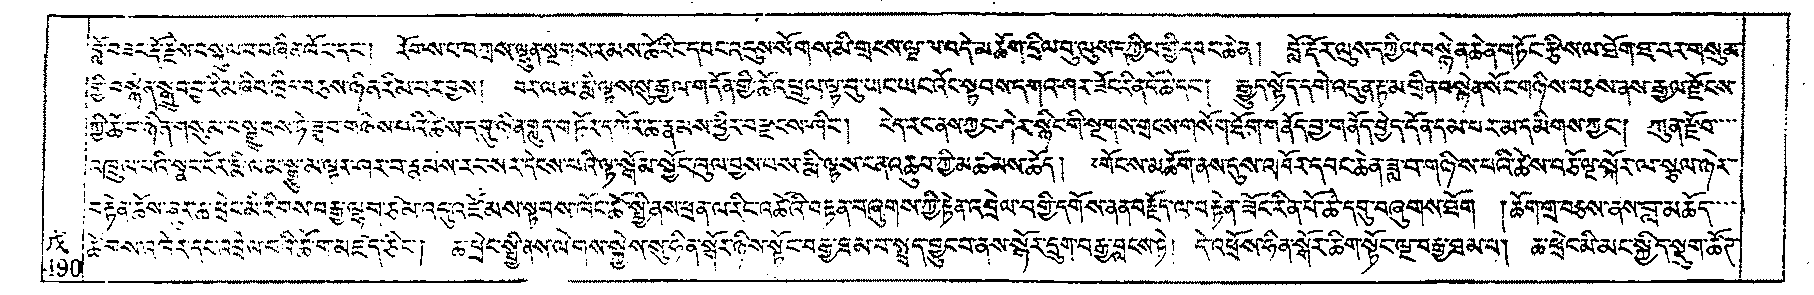བློ་བཟང་རྡོ་རྗེས་བསྐུལ་བ་བཞིན་ཁོང་དང་། རོགས་པ་བཀྲས་ལྷུན་སྔགས་རམས་ཚེ་རིང་དབང་འདུས་སོགས་མི་གྲངས་ལྔ་ལ་བདེ་མཆོག་དྲིལ་བུ་ལུས་དཀྱིལ་གྱི་དབང་ཆེན། བློ་རྡོར་ལུས་དཀྱིལ་བསྙེན་ཆེན་གཏོང་རྩིས་ལ་ཐོག་ཐ་བར་གསུམ་
གྱི་བསྙེན་སྒྲུབ་བྱ་རིམ་ཞིབ་ཁྲིད་བཅས་ཉིན་རིམ་པར་བྱས། བར་ལམ་རྨི་ལྟས་སུ་རྒྱལ་གདོན་གྱི་ཆོ་འཕྲུལ་ལྟ་བུ་ཡང་ཡང་འོང་སྟབས་དགའ་ཤར་ཟོང་རིན་པོ་ཆེ་དང་། རྒྱུད་སྟོད་དགེ་འདུན་རྟ་མགྲིན་བསྙེན་སོང་གཉིས་བཅས་ནས་རྒྱལ་རྫོངས་
ཀྱི་ཆོ་ག་ཉིན་གསུམ་བསྒྲུབས་ཏེ་ཟླ་བ་གཉིས་པའི་ཚེས་དགུ་ཉིན་གླུད་གཏོར་དཀོར་ཆ་རྣམས་ཕྱིར་བརྫངས་ཤིང་། ངེད་རང་ནས་ཀྱང་ཤེར་སྙིང་གི་སྔགས་གྲངས་གསོག་ཐོག་གནོད་བྱ་གནོད་བྱེད་དོན་དམ་པར་མ་དམིགས་ཀྱང་། ཀུན་རྫོབ་
འཁྲུལ་པའི་སྣང་ངོར་རྨི་ལམ་སྒྱུ་མ་ལྟར་ཤར་བ་རྣམས་རང་སར་དེངས་པའི་ལྟ་སྒོམ་སྐྱོང་ཁུལ་བྱས་པས་རྨི་ལྟས་ངན་འཆུབ་ཀྱི་མཚམས་ཆོད། ༧གོང་ས་མཆོག་ནས་དུས་འཁོར་དབང་ཆེན་ཟླ་བ་གཉིས་པའི་ཚེས་བཅོ་ལྔ་སྐོར་ལ་སྩལ་ཉེར་
བརྟེན་ཆོས་ཞུར་ཆ་ཕྲེང་མི་རིགས་བརྒྱ་ལྷག་ཙམ་འདུ་འཛོམས་སྟབས་ཁོང་ཚོ་སྤྱི་ནས་ཕྲན་ལ་རིང་འཚོའི་བརྟན་བཞུགས་ཀྱི་རྟེན་འབྲེལ་བགྱི་དགོས་ནན་བརྗོད་ལ་བརྟེན་ཟོང་རིན་པོ་ཆེ་དབུ་བཞུགས་ཐོག །ཆོག་གྲ་བཅས་ནས་བླ་མཆོད་
ཚོགས་འཁོར་དང་འབྲེལ་བའི་ཆོ་ག་མཛད་ཅིང་། ཆ་ཕྲེང་སྤྱི་ནས་ལེགས་སྐྱེས་སུ་ཧིན་སྒོར་ཉིས་སྟོང་བརྒྱ་ཐམ་པ་སྤྲད་བྱུང་བ་ནས་སྒོར་དྲུག་བརྒྱ་བླངས་ཏེ། དེ་འཕྲོས་ཧིན་སྒོར་ཆིག་སྟོང་ལྔ་བརྒྱ་ཐམ་པ། ཆ་ཕྲེང་མི་མང་སྐྱིད་སྡུག་ཚོགས་